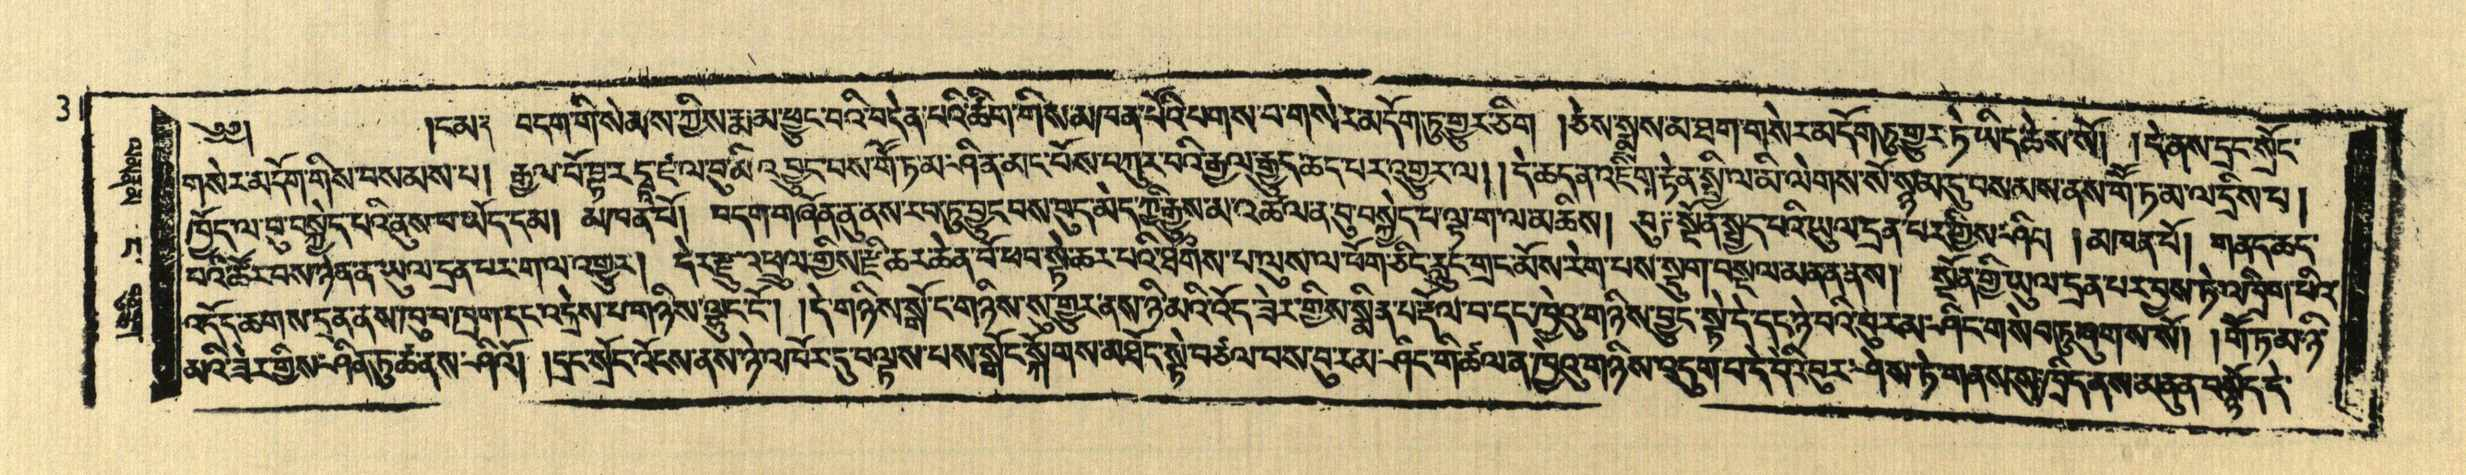༄༅། །ངམ༑ བདག་གི་སེམས་ཀྱིས་རྨ་མ་ཕྱུང་བའི་བདེན་པའི་ཚིག་གིས་མཁན་པོའི་པགས་བ་གསེར་མདོག་ཏུ་གྱུར་ཅིག །ཅེས་སྨྲས་མ་ཐག་གསེར་མདོག་ཏུ་གྱུར་ཏེ་ཡིད་ཆེས་སོ། །དེ་ནས་དྲང་སྲོང་
གསེར་མདོག་གིས་བསམས་པ། རྒྱལ་བོ་བྷ་ར་དྭཱ་ཛ་ལ་བུ་མི་འབྱུང་བས་གཽ་ཏ་མ་ཤིན་མང་པོས་བཀུར་བའི་རྒྱལ་རྒྱུད་ཆད་པར་འགྱུར་ལ། །དེ་ཆད་ན་འཇིག་རྟེན་སྤྱི་ལ་མི་ལེགས་སོ་སྙམ་དུ་བསམས་ནས་གཽ་ཏ་མ་ལ་དྲིས་པ།
ཁྱོད་ལ་བུ་བསྐྱེད་པའི་ནུས་བ་ཡོད་དམ། མཁན་པོ། བདག་གཞོན་ནུ་ནས་རབ་ཏུ་བྱུང་བས་བུད་མེད་ཀྱི་རྒྱུས་མ་འཚལ་ན་བུ་བསྐྱེད་པ་ལྟ་ག་ལ་མཆིས། བུ༑ སྔོན་སྤྱད་པའི་ཡུལ་དྲན་པར་གྱིས་ཤིང་། །མཁན་པོ། གནད་ཆད་
བའི་ཚོར་བས་ཉེན་ན་ཡུལ་དྲན་པར་གལ་འགྱུར། དེར་རྫུ་འཕྲུལ་གྱིས་རྫི་ཆར་ཆེན་བོ་ཕབ་སྟེ་ཆར་པའི་ཐྀགས་པ་ལུས་ལ་ཕོག་ཅིང་རླུང་གྲང་མོས་རེག་པས་སྡུག་བསྔལ་མནན་ནས། སྔོན་གྱི་ཡུལ་དྲན་པར་བྱས་ཏེ་འཁྲིག་པའི་
འདོད་ཆགས་དྲན་ནས་ཁུ་བ་ཁྲག་དང་འདྲེས་པ་གཉིས་ལྷུང་ངོ། །དེ་གཉིས་སྒོ་ང་གཉིས་སུ་གྱུར་ནས་ཉི་མའི་འོད་ཟེར་གྱིས་སྨིན་པ་རྡོལ་བ་དང་ཁྱེའུ་གཉིས་བྱུང་སྟེ་དེ་དང་ཉེ་བའི་བུ་རམ་ཤིང་གསེབ་ཏུ་ཞུགས་སོ། །གཽ་ཏ་མ་ཉི་
མའི་ཟེར་གྱིས་ཤིན་ཏུ་ཚ་ནས་ཤིའོ། །དྲང་སྲོང་འོངས་ནས་ཉེ་འཁོར་དུ་བལྟས་པས་སྒོང་སྐོགས་མཐོང་སྟེ་བཙལ་བས་བུ་རམ་ཤིང་གི་ཚ་ལན་ཁྱེའུ་གཉིས་འདུག་བ་དེ་དེའི་བུར་ཤེས་ཏེ་གནས་སུ་ཁྲིད་ནས་མནུན་བསྙོད་དེ་